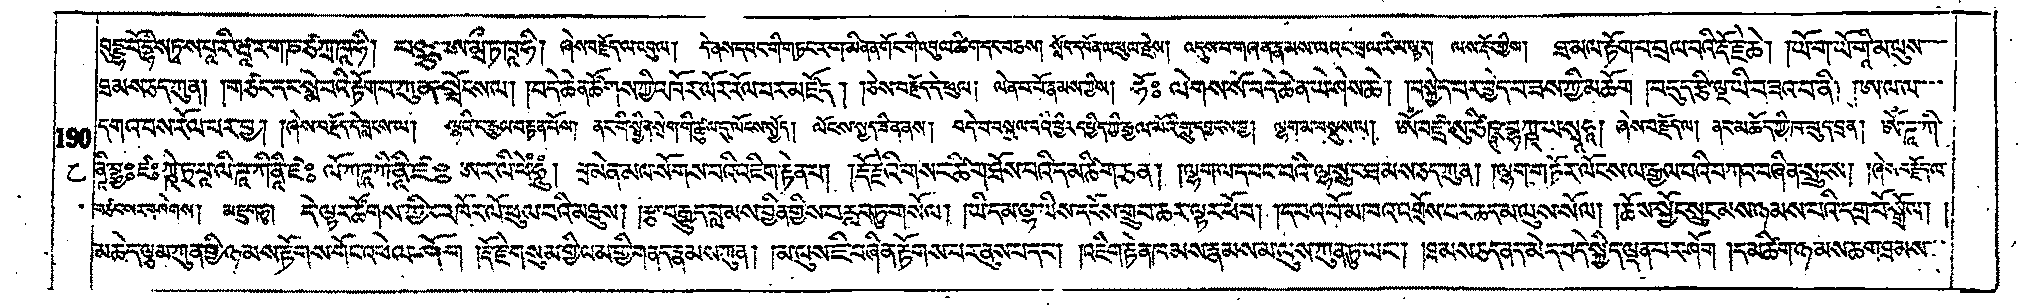བུདྡྷ་བོ་དྷི་སཏྭ་ས་པཱ་རི་ཝཱ་ར་ག་ཎ་ཙཀྲ་ཁཱ་ཧི། པཉྩ་ཨ་མྲྀ་ཏ་ཁཱ་ཧི། ཞེས་བརྗོད་ལ་འབུལ། དེ་ནས་དབང་གི་གཏང་རག་མིན་ན་གོང་གི་འབུལ་ཚིག་དང་བཅས། སློབ་དཔོན་ལ་ཕུལ་རྗེས། འདུས་པ་གཞན་རྣམས་ལ་འང་གྲལ་རིམ་ལྟར། ལས་རྡོར་གྱིས།  ཐ་མལ་རྟོག་པ་བྲལ་བའི་རྡོ་རྗེ་ཆེ། །ཡོ་ག་ཡོ་གཱི་མ་ལུས་་་
ཐམས་ཅད་ཀུན། །གཙང་དང་སྨེ་བའི་རྟོག་པ་ཀུན་སྤོངས་ལ། །བདེ་ཆེན་ཚོགས་ཀྱི་འཁོར་ལོར་རོལ་པར་མཛོད། །ཅེས་བརྗོད་དེ་ཕུལ། ལེན་པ་པོ་རྣམས་ཀྱིས།  ཧོཿ ལེགས་སོ་བདེ་ཆེན་ཡེ་ཤེས་ཆེ། །བསྐྱེད་པར་བྱེད་པ་ཟས་ཀྱི་མཆོག །བདུད་རྩི་ལྔ་ཡི་བཟའ་བ་ནི། །ཨ་ལ་ལ་་་
དགའ་བས་རོལ་པར་བྱ། །ཞེས་བརྗོད་དེ་བླངས་ལ། ལྷའི་ང་རྒྱལ་བརྟན་པོས། ནང་གི་སྦྱིན་སྲེག་གི་ཚུལ་དུ་ལོངས་སྤྱོད། ལོངས་སྤྱད་ཟིན་ནས། བདེ་བ་བསྐུལ་བའི་ཕྱིར་དཔྱིད་ཀྱི་རྒྱལ་མོའི་གླུ་དབྱངས་བྱ། ལྷག་མ་བསྡུས་ལ།  ཨོཾ་བཛྲ་ཨུ་ཙིཥྚ་བྷཀྵ་ཡ་སྭཱཧཱ། ཞེས་བརྗོད་ལ། ནང་མཆོད་ཀྱི་ཁ་ཕུད་བྲན། ཨོཾ་ཌཱ་ཀི་
ནཱི་བྷྱཿཛཿཀྵེ་ཏྲ་པཱ་ལི་ཌཱ་ཀི་ནཱི་ཛཿ ལོ་ཀ་ཌཱ་ཀི་ནཱི་ཛཿཨ་ར་ལི་ཕེཾ་ཧཱུཾ། ཕྲ་མེན་མ་ལ་སོགས་བའི་འཇིག་རྟེན་པ། །རྡོ་རྗེའི་གསང་ཚིག་ཐོས་པའི་དམ་ཚིག་ཅན། །ལྷག་ལ་དབང་བའི་ལྷ་སྲུང་ཐམས་ཅད་ཀུན། །ལྷག་གཏོར་ལོངས་ལ་རྒྱལ་བའི་བཀའ་བཞིན་སྲུངས། །ཞེས་བརྗོད་ལ་
གཙང་སར་གཤེགས། མཇུག་ཏུ། དེ་ལྟར་ཚོགས་ཀྱི་འཁོར་ལོ་ཕུལ་བའི་མཐུས། །རྩ་བརྒྱུད་བླ་མས་བྱིན་གྱིས་བརླབ་ཏུ་གསོལ། །ཡི་དམ་ལྷ་ཡིས་དངོས་གྲུབ་ཆར་ལྟར་ཕོབ། །དཔའ་བོ་མཁའ་འགྲོས་བར་ཆད་མ་ལུས་སོལ། །ཆོས་སྐྱོང་སྲུང་མས་ཉམས་པའི་དགྲ་བོ་སྒྲོལ། །
མཆེད་ལྕམ་ཀུན་གྱི་ཉམས་རྟོགས་གོང་འཕེལ་ཤོག །རྡོ་རྗེ་གསུམ་གྱི་ལམ་གྱི་གནད་རྣམས་ཀུན། །མ་ལུས་ཇི་བཞིན་རྟོགས་པར་ནུས་པ་དང་། །འཇིག་རྟེན་ཁམས་རྣམས་མ་ལུས་ཀུན་ཏུ་ཡང་། །ཐམས་ཅད་ནད་མེད་བདེ་སྐྱིད་ལྡན་པར་ཤོག །དམ་ཚིག་ཉམས་ཆག་ཐམྶ་་་